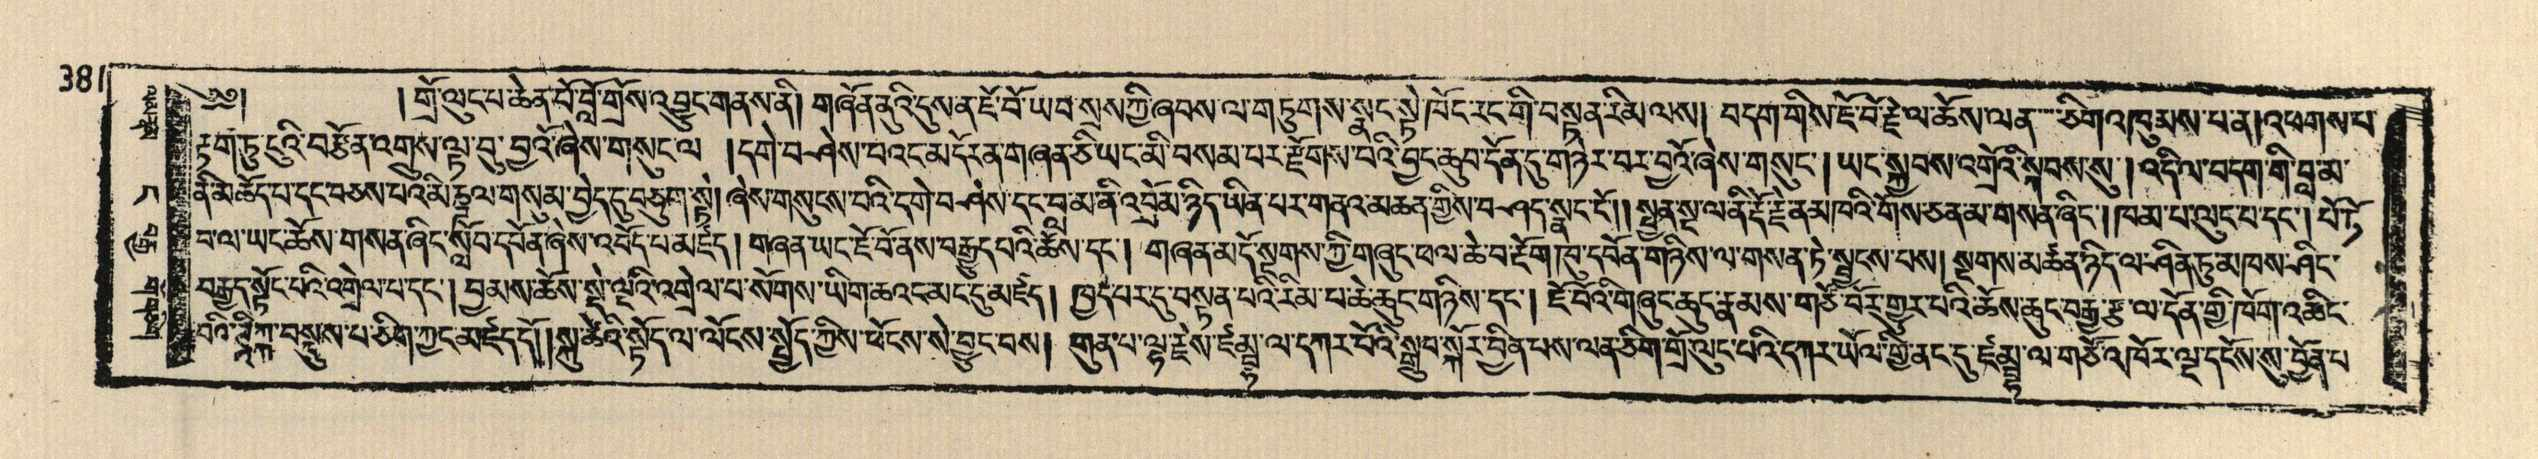༄༅། །གྲོ་ལུང་པ་ཆེན་པོ་བློ་གྲོས་འབྱུང་གནས་ནི། གཞོན་ནུའི་དུས་ན་ཇོ་བོ་ཡབ་སྲས་ཀྱི་ཞབས་ལ་གཏུགས་སྣང་སྟེ་ཁོང་རང་གི་བསྟན་རིམ་ལས། བདག་གིས་ཇོ་བོ་རྗེ་ལ་ཆོས་ལན་ཅིག་འཁུམས་པ་ན། འཕགས་པ་
རྟག་ཏུ་དུའི་བརྩོན་འགྲུས་ལྟ་བུ་བྱའོ་ཞེས་གསུང་ལ་།དགེ་བཤེས་བའང་མདོར་ན་གཞན་ཅི་ཡང་མི་བསམ་པར་རྫོགས་པའི་བྱང་ཆུབ་དོན་དུ་གཉེར་བར་བྱའོ་ཞེས་གསུངས། ཡང་སྐྱབས་འགྲོའི་སྐབས་སུ། འདི་ལ་བདག་གི་བླ་མ་
ནི་མཆོད་པ་དང་བཅས་པའི་མཎྜལ་གསུམ་བྱེད་དུ་བཅུག་སྟེ། ཞེས་གསུངས་པའི་དགེ་བཤེས་དང་བླ་མ་ནི་འབྲོམ་ཉིད་ཡིན་པར་གནའ་མཆན་གྱིས་བཤད་སྣང་ངོ། །སྤྱན་སྔ་ལ་ནི་རྡོ་རྗེ་ནམ་མཁའི་གོས་ཅན་མ་གསན་ཞིང་། ཁམ་པ་ལུང་པ་དང་། པོ་ཏོ་
བ་ལ་ཡང་ཆོས་གསན་ཞིང་སློབ་དཔོན་ཞེས་འབོད་པ་མཛད། གཞན་ཡང་ཇོ་བོ་ནས་བརྒྱུད་པའི་ཆོས་དང་། གཞན་མདོ་སྔགས་ཀྱི་གཞུང་ཕལ་ཆེ་བ་རྔོག་ཁུ་དབོན་གཉིས་ལ་གསན་ཏེ་སྦྱངས་པས། སྔགས་མཚན་ཉིད་ལ་ཤིན་ཏུ་མཁས་ཤིང་
བརྒྱད་སྟོང་པའི་འགྲེལ་པ་དང་། བྱམས་ཆོས་སྡེ་ལྔའི་འགྲེལ་པ་སོགས་ཡིག་ཆའང་མང་དུ་མཛད། ཁྱད་པར་དུ་བསྟན་པའི་རིམ་པ་ཆེ་ཆུང་གཉིས་དང་། ཇོ་བོའི་གཞུང་ཆུང་རྣམས་གཙོ་བོར་གྱུར་པའི་ཆོས་ཆུང་བརྒྱ་རྩ་ལ་དོན་གྱི་ཁོག་འཆིང་
བའི་ཊཱིཀྐ་བསྡུས་པ་ཅིག་ཀྱང་མཛད་དོ། །སྐུ་ཚེའི་སྟོད་ལ་ལོངས་སྤྱོད་ཀྱིས་ཕོངས་སེ་བྱུང་བས། གུན་པ་ལྷ་རྗེས་ཛམྦྷ་ལ་དཀར་པོའི་སྒྲུབ་སྐོར་བྱིན་པས་ལན་ཅིག་གྲོ་ལུང་པའི་དཀར་ཡོལ་གྱི་ནང་དུ་ཛམྦྷ་ལ་གཙོ་འཁོར་ལྔ་དངོས་སུ་བྱོན་པ་